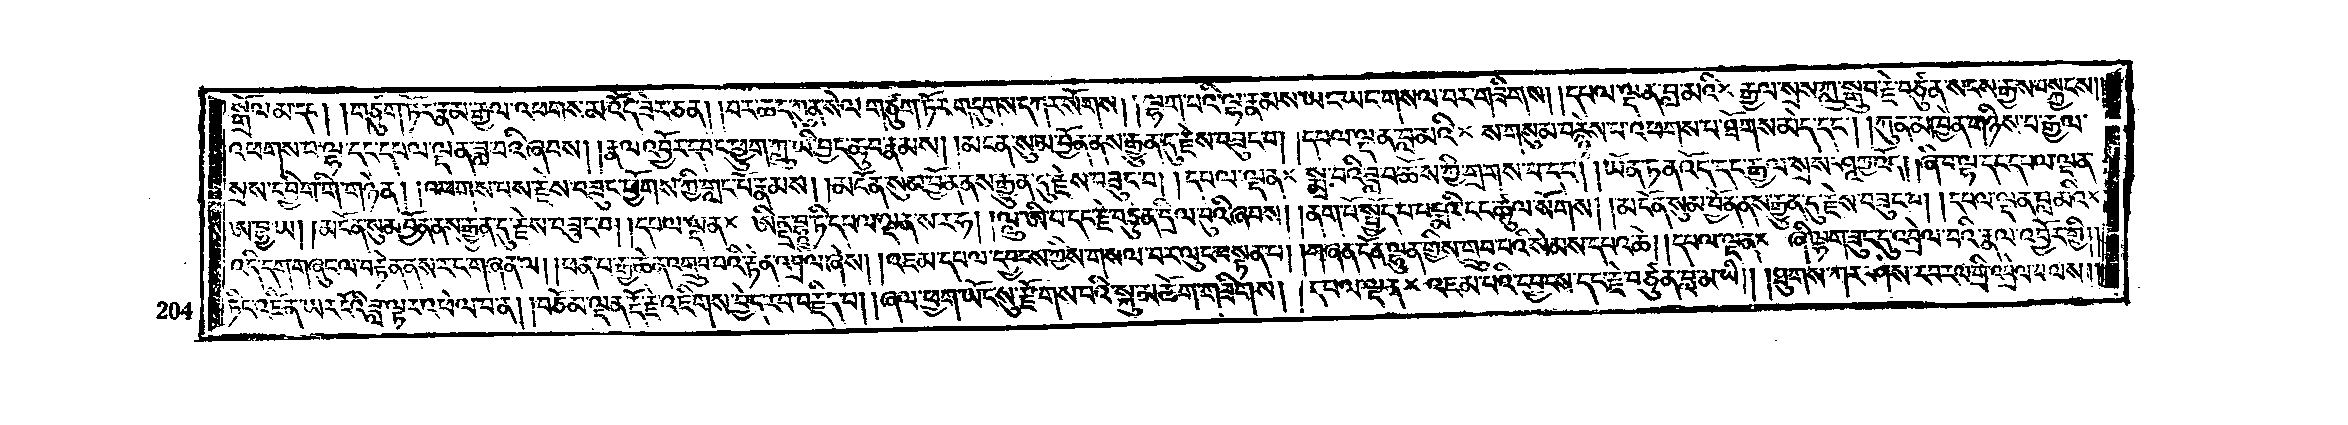སྒྲོལ་མ་དང་། །གཙུག་ཏོར་རྣམ་རྒྱལ་འཕགས་མ་འོད་ཟེར་ཅན། །བར་ཆད་ཀུན་སེལ་གཙུག་ཏོར་གདུགས་དཀར་སོགས། །ལྷག་པའི་ལྷ་རྣམས་ཡང་ཡང་གསལ་བར་གཟིགས། །དཔལ་ལྡན་བླ་མའི྾་རྒྱལ་སྲས་ཀླུ་སྒྲུབ་རྗེ་བཙུན་སངས་རྒྱས་བསྐྱངས།
འཕགས་པ་ལྷ་དང་དཔལ་ལྡན་ཟླ་བའི་ཞབས། །རྣལ་འབྱོར་དབང་ཕྱུག་ཀླུ་ཡི་བྱང་ཆུབ་རྣམས། །མངན་སུ་བྱོན་ནས་རྒྱུན་དུ་རྗེས་བཟུང་བ། །དཔལ་ལྡན་བླ་མའི་྾་ས་གསུམ་བརྙེས་པ་འཕགས་པ་ཐོགས་མེད་དང་། །ཀུན་མཁྱེན་གཉིས་པ་རྒྱལ་
སྲས་དབྱིག་གི་གཉེན། །འཕགས་པས་རྗེས་བཟུང་ཕྱོགས་ཀྱི་གླང་པོ་རྣམས། །མངོན་སུམ་བྱོན་ནས་རྒྱུན་དུ་རྗེས་བཟུང་བ། དཔལ་ལྡན྾་སྨྲ་བའི་ཟླ་བ་ཆོས་ཀྱི་གྲགས་པ་དང་། །ཡོན་ཏན་འོད་དང་རྒྱལ་སྲས་ཤཱཀྱ་འོད། །ཞི་བ་ལྷ་དང་དཔལ་ལྡན་
ཨ་བྷྱ་ཡ། །མངོན་སུམ་བྱོན་ནས་རྒྱུན་དུ་རྗེས་བཟུང་བ། །དཔལ་ལྡན྾་ཨིནྡྲ་བྷཱུ་ཏི་དཔལ་ལྡན་ས་ར་ཧ། །ལཱུ་ཨི་པ་དང་རྗེ་བཙུན་དྲིལ་བུའི་ཞབས། །ནག་པོ་སྤྱོད་པ་པདམའི་ངང་ཚུལ་སོགས། །མངོན་སུམ་བྱོན་ནས་རྒྱུན་དུ་རྗེས་བཟུང་བ། །དཔལ་ལྡན་བླ་མའི྾་
འདི་དག་གཞུང་ལ་བརྟེན་ནས་རང་གཞན་ལ། །ཕན་པ་རྒྱ་ཆེན་འགྲུབ་པའི་རྟེན་འབྲེལ་ཞེས། །འཇམ་དཔལ་དབྱངས་ཀྱིས་གསལ་བར་ལུང་བསྟན་པ། །གཞན་དོན་ལྷུན་གྱིས་གྲུབ་པའི་སེམས་དཔའ་ཆེ། །དཔལ་ལྡན྾་ཞི་ལྷག་ཟུང་དུ་འབྲེལ་བའི་རྣལ་འབྱོར་གྱི།།
ཏིང་འཛིན་ཡར་ངོའི་ཟླ་ལྟར་འཕེལ་བ་ན། །བཅོམ་ལྡན་རྡོ་རྗེ་འཇིགས་བྱེད་རབ་བརྗེད་པ། །ཞལ་ཕྱག་ཡོངས་སུ་རྫོགས་པའི་སྐུ་མཆོག་གཟིགས། །དཔལ་ལྡན྾་འཇམ་པའི་དབྱངས་དང་རྗེ་བཙུན་བླ་མ་ཡི། །ཐུགས་ཀར་ཤེས་རབ་རལ་གྲི་འཕྲེལ་པ་ལས། །